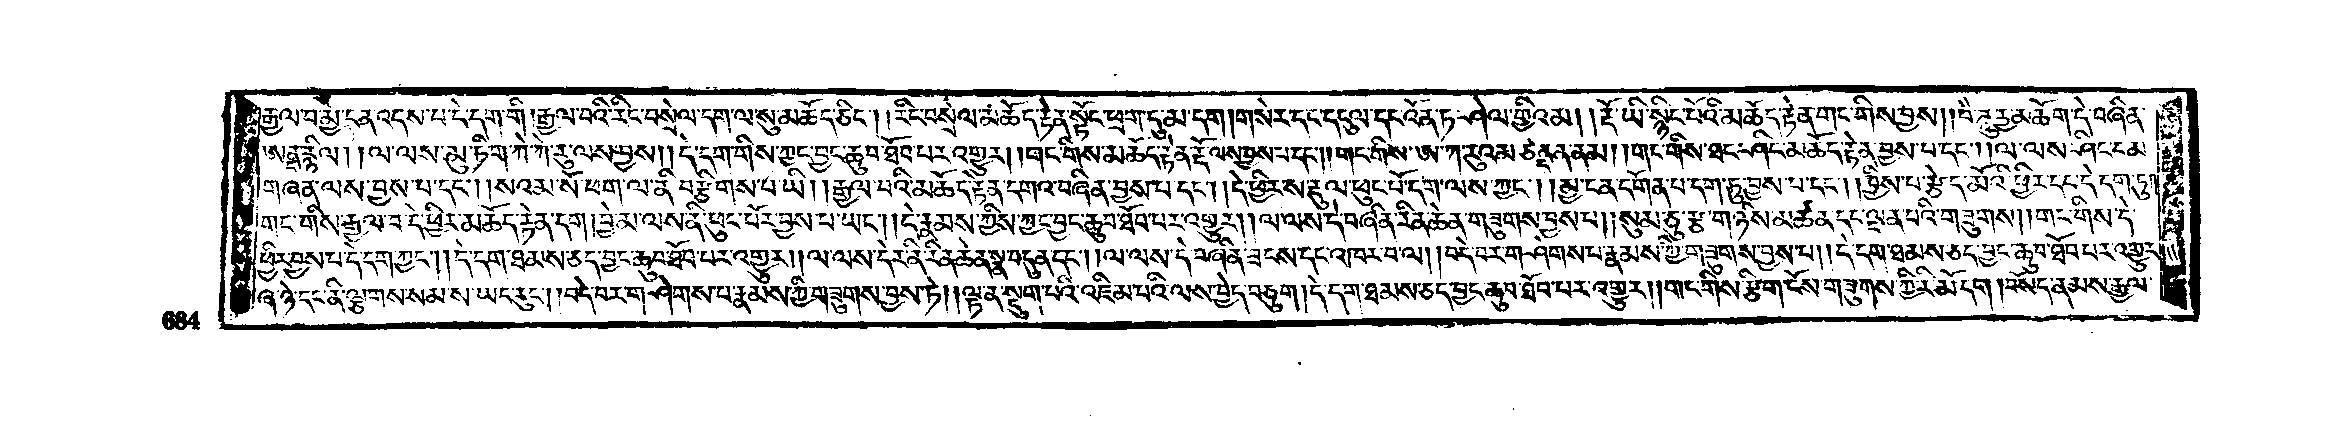རྒྱལ་བ་མྱ་ངན་འདས་པ་དེ་དག་གི །རྒྱལ་བའི་རིང་བསྲེལ་དག་ལ་སུ་མཆོད་ཅིང་། །རིང་བསྲེལ་མཆོད་རྟེན་སྟོང་ཕྲག་དུ་མ་དག །གསེར་དང་དངུལ་དང་འོན་ཏ་ཤེལ་གྱིའམ། །རྡོ་ཡི་སྙིང་པོའི་མཆོད་རྟེན་གང་གིས་བྱས། །བཻ་ཌཱུརཡ་མཆོག་དེ་བཞིན་
ཨནྡ་རྙིལ། །ལ་ལས་མུ་ཏིག་ཀེ་ཀེ་རུ་ལས་བྱས། །དེ་དག་གིས་ཀྱང་བྱང་ཆུབ་ཐོབ་པར་འགྱུར། །གང་གིས་མཆོད་རྟེན་རྡོ་ལས་བྱས་པ་དང་། །གང་གིས་ཨ་ཀ་རུའམ་ཙནྡན་ནམ། །གང་གིས་ཐང་ཤིང་མཆོད་རྟེན་བྱས་པ་དང་། །ལ་ལས་ཤིང་དམ་
གཞན་ལས་བྱས་པ་དང་། །སའམ་སོ་ཕག་ལ་ནི་བརྩིགས་པ་ཡི། །རྒྱལ་བའི་མཆོད་རྟེན་དགའ་བཞིན་བྱས་པ་དང་། །དེ་ཕྱིར་ས་རྡུལ་ཕུང་པོ་དག་ལས་ཀྱང་། །མྱ་ངན་དགོན་པ་དག་ཏུ་བྱས་པ་དང་། །བྱིས་པ་རྩེད་མོའི་ཕྱིར་དང་དེ་དག་ཏུ།།
གང་གིས་རྒྱལ་བ་དེ་ཕྱིར་མཆོད་རྟེན་དག །བྱེ་མ་ལས་ནི་ཕུང་པོར་བྱས་པ་ཡང་། །དེ་རྣམས་ཀྱིས་ཀྱང་བྱང་ཆུབ་ཐོབ་པར་འགྱུར། །ལ་ལས་དེ་བཞིན་རིན་ཆེན་གཟུགས་བྱས་པ། །སུམ་ཅུ་རྩ་གཉིས་མཚན་དང་ལྡན་པའི་གཟུགས། །གང་གིས་དེ་
ཕྱིར་བྱས་པ་དེ་དག་ཀྱང་། །དེ་དག་ཐམས་ཅད་བྱང་ཆུབ་ཐོབ་པར་འགྱུར། །ལ་ལས་དེར་ནི་རིན་ཆེན་སྣ་བདུན་དང་། །ལ་ལས་དེ་བཞིན་ཟངས་དང་འཁོར་བ་ལ། །བདེ་བར་གཤེགས་པ་རྣམས་ཀྱི་གཟུགས་བྱས་པ། །དེ་དག་ཐམས་ཅད་བྱང་ཆུབ་ཐོབ་པར་འགྱུར་
ཞ་ཉེ་དང་ནི་ལྕགས་སམ་ས་ཡང་རུང་། །བདེ་བར་གཤེགས་པ་རྣམས་ཀྱི་གཟུགས་བྱས་ཏེ། །ལྟ་ན་སྡུག་པའི་འཇིམ་པའི་ལས་བྱེད་བཅུག །དེ་དག་ཐམས་ཅད་བྱང་ཆུབ་ཐོབ་པར་འགྱུར། །གང་གིས་རྩིག་ངོས་གཟུགས་ཀྱི་རི་མོ་དག །བསོད་ནམས་རྒྱལ་